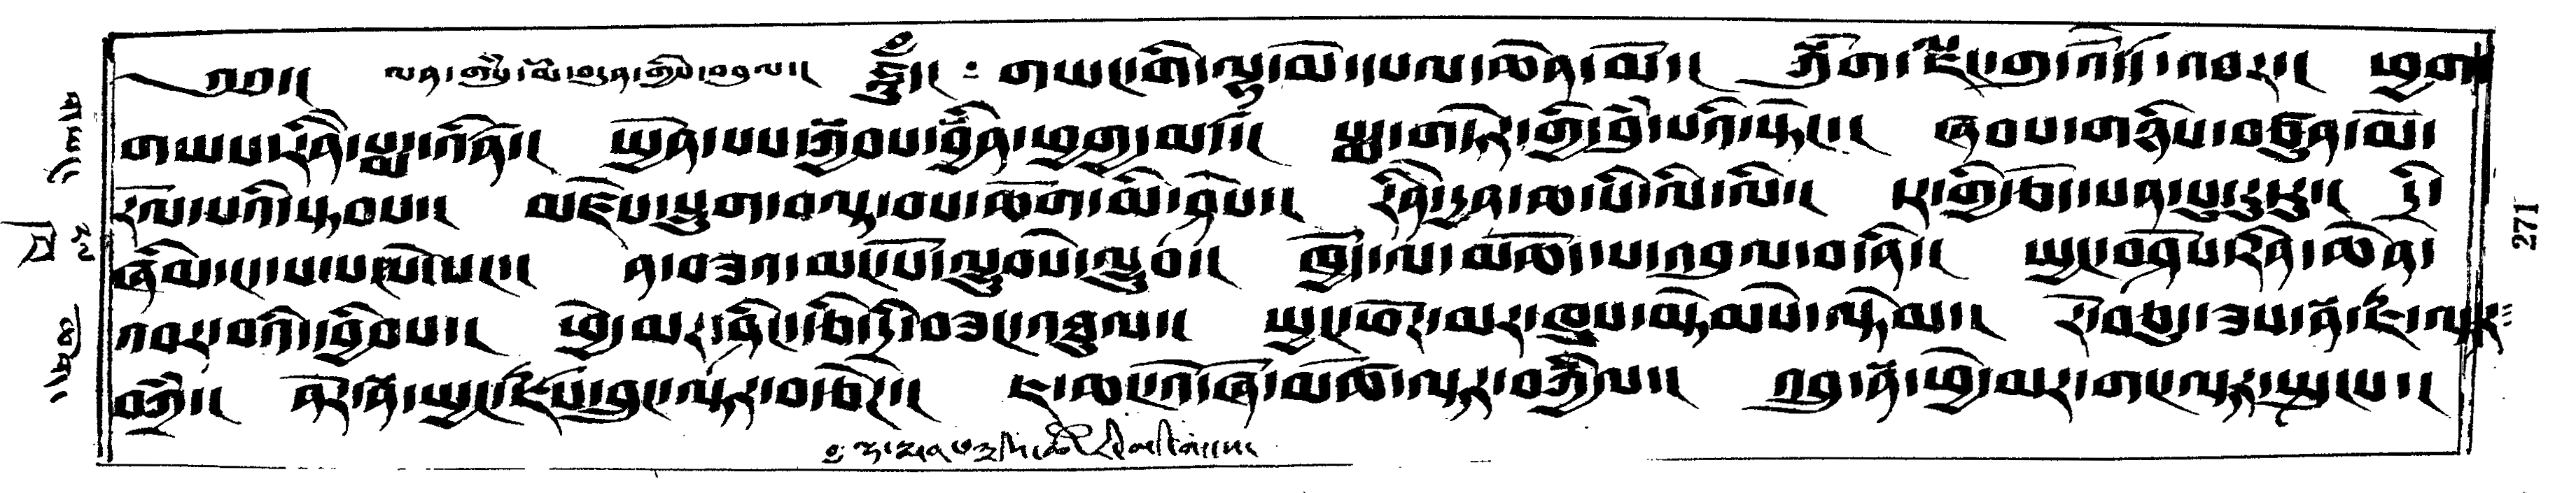ལན་གསུམ་མ་བདུན་གྱིས་འབུལ། ཧཱུྃ། ལྷ་སྨན་བཀྲ་ཤིས་ཚེ་རིང་མའི་གདངས། གཡང་གི་ལྷ་མོ་དཔལ་ཆེན་མོ། །སྐུ་དོག་ལྗང་གུ་འོད་ཟེར་འབར། །ཕྱག་
གཡས་རིན་ཆེན་པདྨ་འཛིན། །གཡོན་པས་སྐྱབས་སྦྱིན་ཕྱག་རྒྱ་མཛད། །པདྨ་གཏེར་གྱི་བུམ་པའི་སྟེང་། །ཞབས་གཉིས་བཙུན་མོ་
རོལ་པའི་སྟབས། །མཛེས་སྡུག་བལྟ་བས་ཆོག་མི་ཤེས། །རིན་ཆེན་རྒྱན་ཆ་སི་ལི་ལི། །དར་གྱི་ཅོད་པན་པུ་རུ་རུ། །དྲི་
ཞིམ་ངད་པ་སངས་སེ་སང་། །ན་བཟའ་མང་པོ་ལྷུབས་སེ་ལྷུབ། །ཁྱོད་ལ་མཆོད་པ་འབུལ་བ་ནི། །གཡང་བཤོས་རིན་ཆེན་
འབར་བའི་དབྱིབས། །ཕྱེ་མར་ཤིང་རྩི་དྲི་བཟང་འཐུལ། །གཡང་ཕོར་མར་ཁུས་ལྟེམས་སེ་ལྟེམ། །རོ་བཅུད་ཟས་སྣ་རྫ་ལྟར་
བཀྲམ། །ནོར་སྣ་གཡང་རྫས་བྲག་ལྟར་བརྩེགས། །ཆང་འོ་ཞོ་མཚོ་ལྟར་བསྐྱིལ། །འབྲུ་སྣ་ཕྱེ་མར་གངས་ལྟར་སྤུངས།